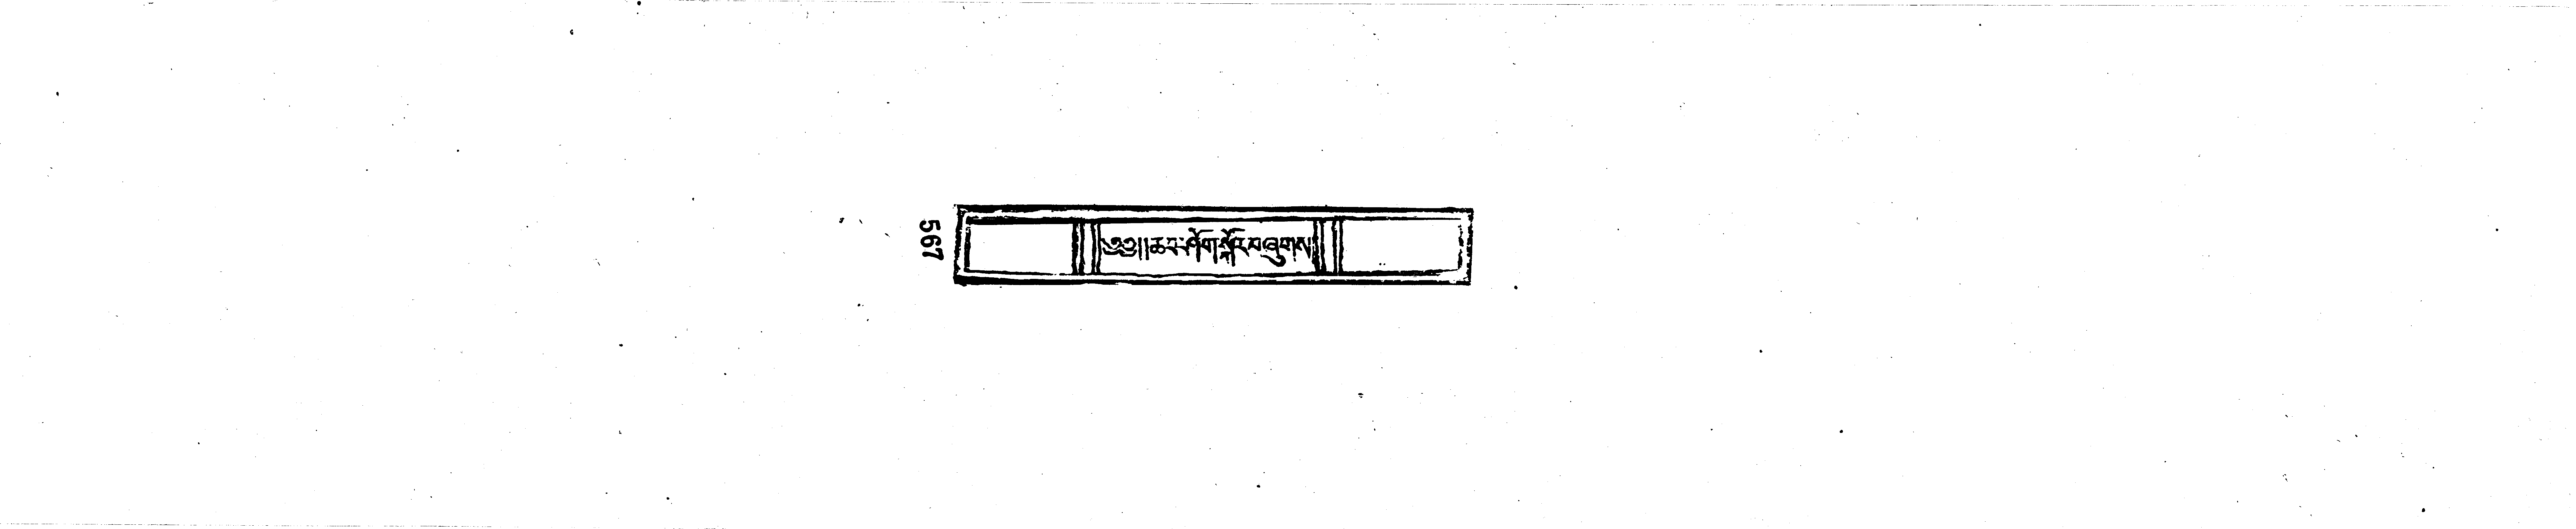༄༅། །ཆབ་ཤོག་སྐོར་བཞུགས།